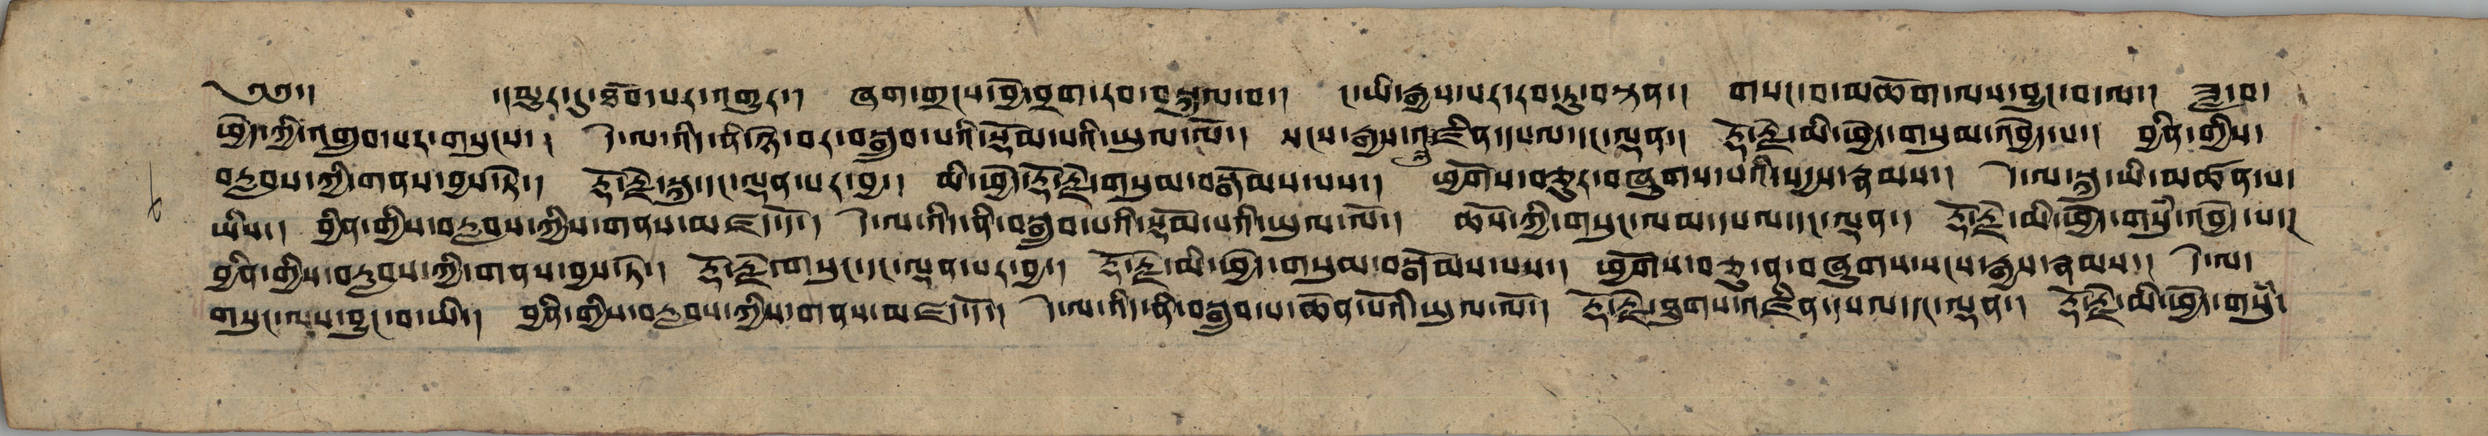༄༅་། ་།མྱུར་དུ་ཐོབ་པར་འགྱུར་། ཞག་གྲངས་བྱེ་བྲག་རབ་བསྐུལ་བ་། ང་ཡིས་རྒྱས་པར་རབ་ཏུ་བསྟན་། གསང་བ་མཆོག་ལས་བྱུང་བ་ལ་། ཟླ་བ་
ཕྱེད་ཀྱི་འགྲུབ་པར་གསུངས་། དེ་ལ་འདི་ནི་ཉེ་བར་བསྒྲུབ་པའི་སྡོམ་པའི་ཡུལ་ལོ་། སངས་རྒྱས་སྐུ་འཛིན་དཔལ་དང་ལྡན་། རྡོ་རྗེ་མི་ཕྱེད་གསུམ་འབྱེད་པ་། བྱིན་གྱིས་
བརླབས་ཀྱི་གནས་བྱས་ཏེ་། རྡོ་རྗེ་སྐུ་དང་ལྡན་པར་བྱ་། མི་ཕྱེད་རྡོ་རྗེ་གསུམ་བསྒོམས་པས་། ཕྱོགས་བཅུར་བཞུགས་པའི་སདྱས་རྣམས་། དེ་ལ་སྐུ་ཡི་མཚན་པ་
ཡིས་། བྱིན་གྱིས་བརླབས་ཀྱིས་གནས་མཛད་དོ་། དེ་ལ་འདི་ནི་བསྒྲུབ་པའིི་སྡོམ་པའི་ཡུལ་ལོ་། ཆོས་ཀྱི་གསུང་ལམ་དཔལ་དང་ལྡན་། རྡོ་རྗེ་མི་ཕྱེད་གསུཾ་འབྱེད་པ་།
བྱིན་གྱིས་བརླབས་ཀྱི་གནས་བྱས་ཏེ་། རྡོ་རྗེ་གསུང་དང་ལྡན་པར་བྱ་། རྡོ་རྗེ་མི་ཕྱེད་གསུམ་བསྒོམས་པས་། ཕྱོགས་བཅུ་ན་བཞུགས་སངས་རྒྱས་རྣམས་། དེ་ལ་
གསུང་ལས་བྱང་བ་ཡི་། བྱིན་གྱིས་བརླབས་ཀྱིས་གནས་མཛད་དོ་། དེ་ལ་འདི་ནི་བསྒྲུབ་པ་ཆེན་པོའི་ཡུལ་ལོ་། རྡོ་རྗེ་ཐུགས་འཛིན་དཔལ་དང་ལྡན་། རྡོ་རྗེ་མི་ཕྱེད་གསུཾ་